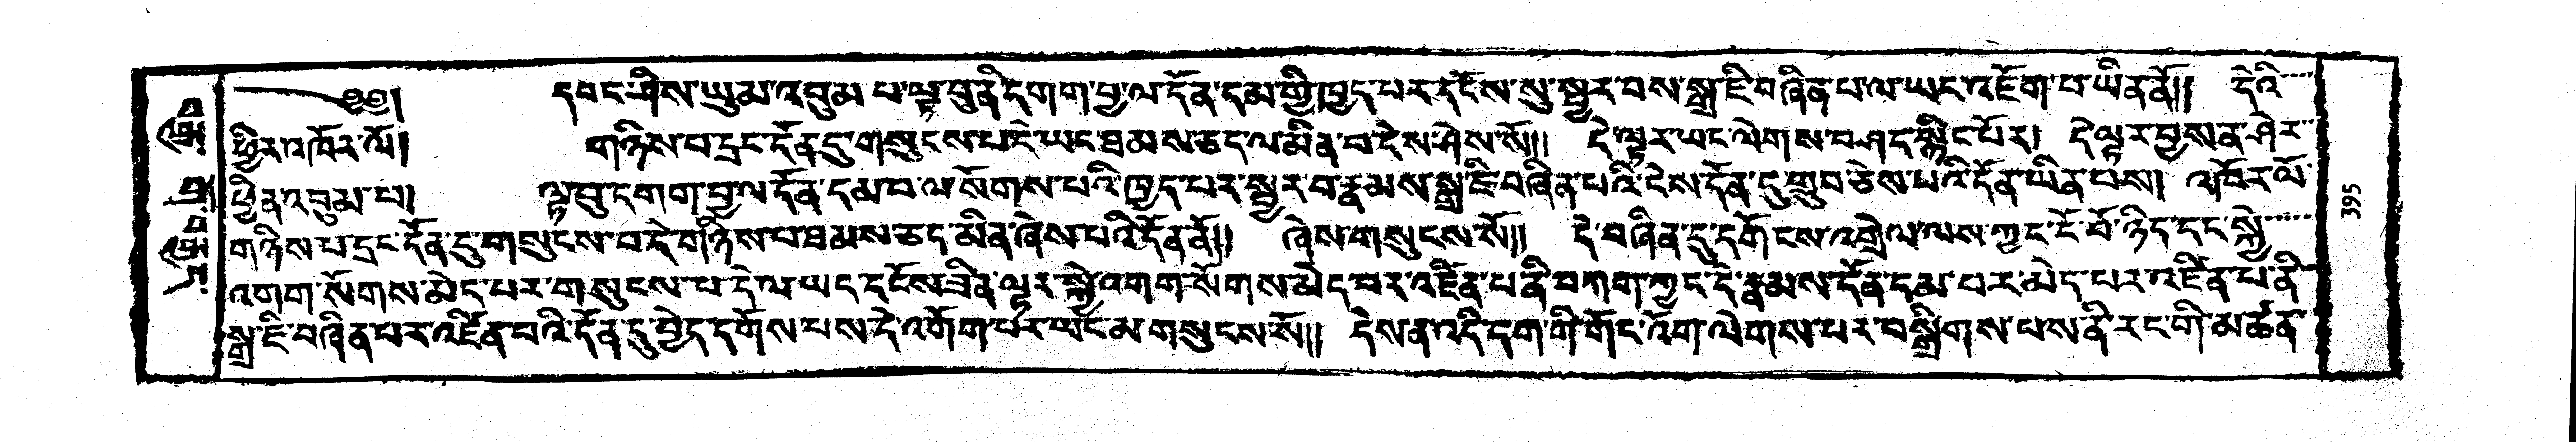༄༅། །དབང་ཤིས་ཡུམ་འབུམ་པ་ལྟ་བུ་ནི་དགག་བྱ་ལ་དོན་དམ་གྱི་ཁྱད་པར་དངོས་སུ་སྦྱར་བས་སྒྲ་ཇི་བཞིན་པ་ལ་ཡང་འཇོག་པ་ཡིན་ནོ།། དེའི་
ཕྱིར་འཁོར་ལོ། གཉིས་པ་དྲང་དོན་དུ་གསུངས་པ་དེ་ཡང་ཐམས་ཅད་ལ་མིན་པ་ངེས་ཤེས་སོ།། དེ་ལྟར་ཡང་ལེགས་བཤད་སྙིང་པོར། དེ་ལྟར་བྱས་ན་ཤེར་
ཕྱིན་འབུམ་པ། ལྟ་བུ་དགག་བྱ་ལ་དོན་དམ་པ་ལ་སོགས་པའི་ཁྱད་པར་སྦྱར་བ་རྣམས་སྒྲ་ཇི་བཞིན་པའི་ངེས་དོན་དུ་གྲུབ་ཅེས་པའི་དོན་ཡིན་པས། འཁོར་ལོ་
གཉིས་པ་དྲང་དོན་དུ་གསུངས་པ་དེ་གཉིས་པ་ཐམས་ཅད་མིན་ཞེས་པའི་དོན་ནོ།། ཞེས་གསུངས་སོ།། དེ་བཞིན་དུ་དགོངས་འགྲེལ་ལས་ཀྱང་ངོ་བོ་ཉིད་དང་སྐྱེ་
འགག་སོགས་མེད་པར་གསུངས་པ་དེ་ལ་ཡང་དངོས་ཟིན་ལྟར་སྐྱེ་འགག་སོགས་མེད་པར་འཛིན་པ་ནི་བཀག་ཀྱང་དེ་རྣམས་དོན་དམ་པར་མེད་པར་འཛིན་པ་ནི་
སྒྲ་ཇི་བཞིན་པར་འཛིན་པའི་དོན་དུ་བྱེད་དགོས་པས་དེ་འགོག་པར་ཡང་མ་གསུངས་སོ།། དེས་ན་འདི་དག་གི་གོང་འོག་ལེགས་པར་བསྒྲིགས་པས་ནི་རང་གི་མཚན་